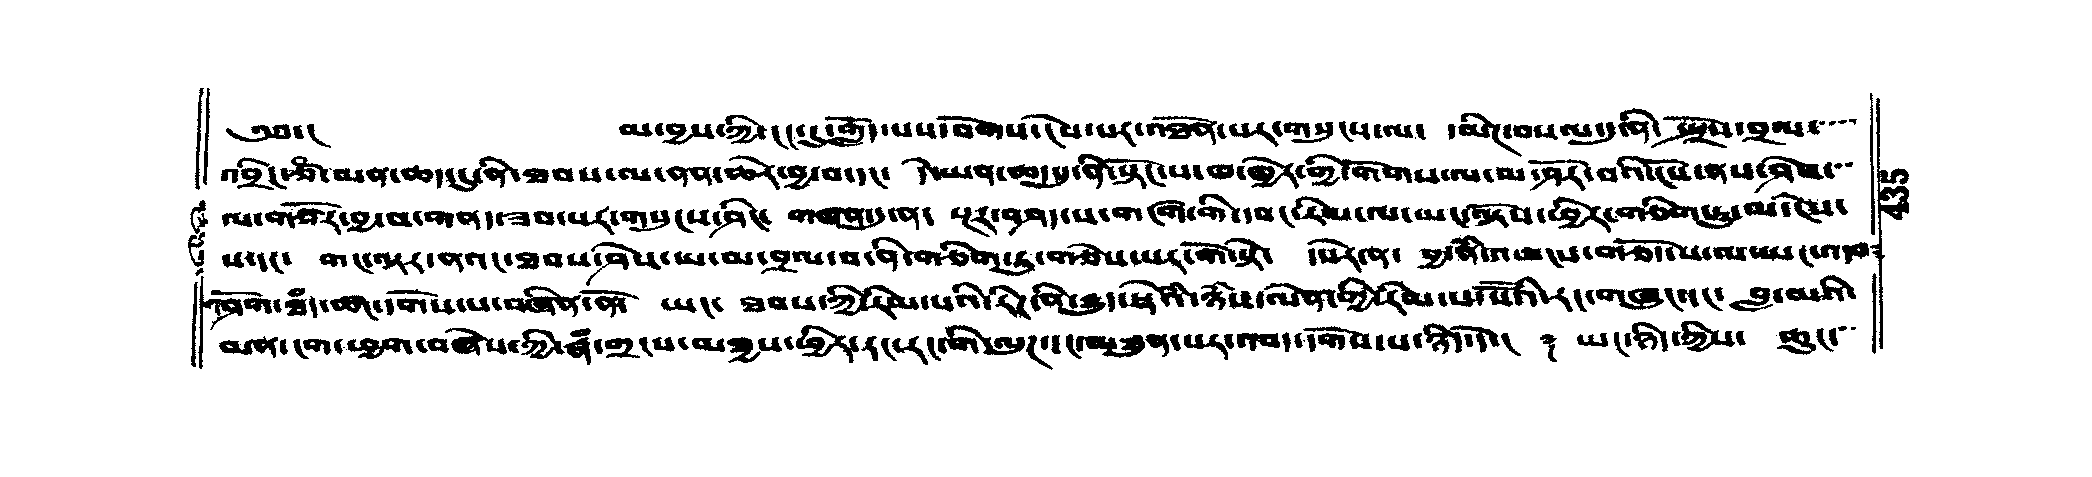མ་བྱས་ཀྱི་ངང་དུ་གློད་པས་བོགས་ངེས་པར་འཐོན་པར་གསུངས་ལ། དམིགས་བསལ་དུ་ནི་སྤྲོས་བྲལ་
འབྲིང་ཙམ་མན་ཆད་དུ་ནི་ཐབས་ལ་ནན་ཆེར་བྱ་བ་དང་། དེ་ཡན་ཆད་དུ་ནི་སྟོང་པ་ཁ་ཁྱེར་གྱི་གེགས་ལ་མ་ཤོར་བའི་ངོས་ནས་ཤེས་
ལ་གཙོར་བྱ་བ་གནད་ཟབ་པར་གསུངས་ཤིང་། གཞན་དུ་ན། སྔར་བཤད་པ་གདམས་ངག་གི་དབང་རིམ་ལ་ཡང་ལྟོས་ཕྱིར་གཅིག་ཏུ་མ་ངེས་
པ་དང་། གང་ལྟར་ནའང་ཐབས་ཤེས་ཡ་བྲལ་བ་ནི་གཅིག་ཏུ་གཅེས་པར་གོ་སྟེ། དཔེར་ན་ བྱ་ནམ་འཕངས་གཅོད་པ་ཡང་འདབ་
ཆགས་ཐམས་ཅད་ཡ་མ་བྲལ་བ་ནི་གཅིག་ཏུ་གཅེས་པར་གོ་སྟེ། ཡང་ ཐབས་ཀྱི་རིམ་པའི་རིགས་ནི་རྒྱུད་སྡེའི་ཉམས་ལེན་གྱི་རིམ་པ་སོ་སོའི་རང་གཞུང་དང་། བླ་མའི་
མན་ངག་ཕྱག་བཞེས་ཀྱི་རྣམ་གྲངས་མཐའ་ཡས་ཕྱིར་རང་རང་གི་ལུགས་མཐུན་པར་འབད་དགོས་པ་ཉིད་དོ། ༈ ཡག་ཉིད་ཀྱིས། ཆུང་